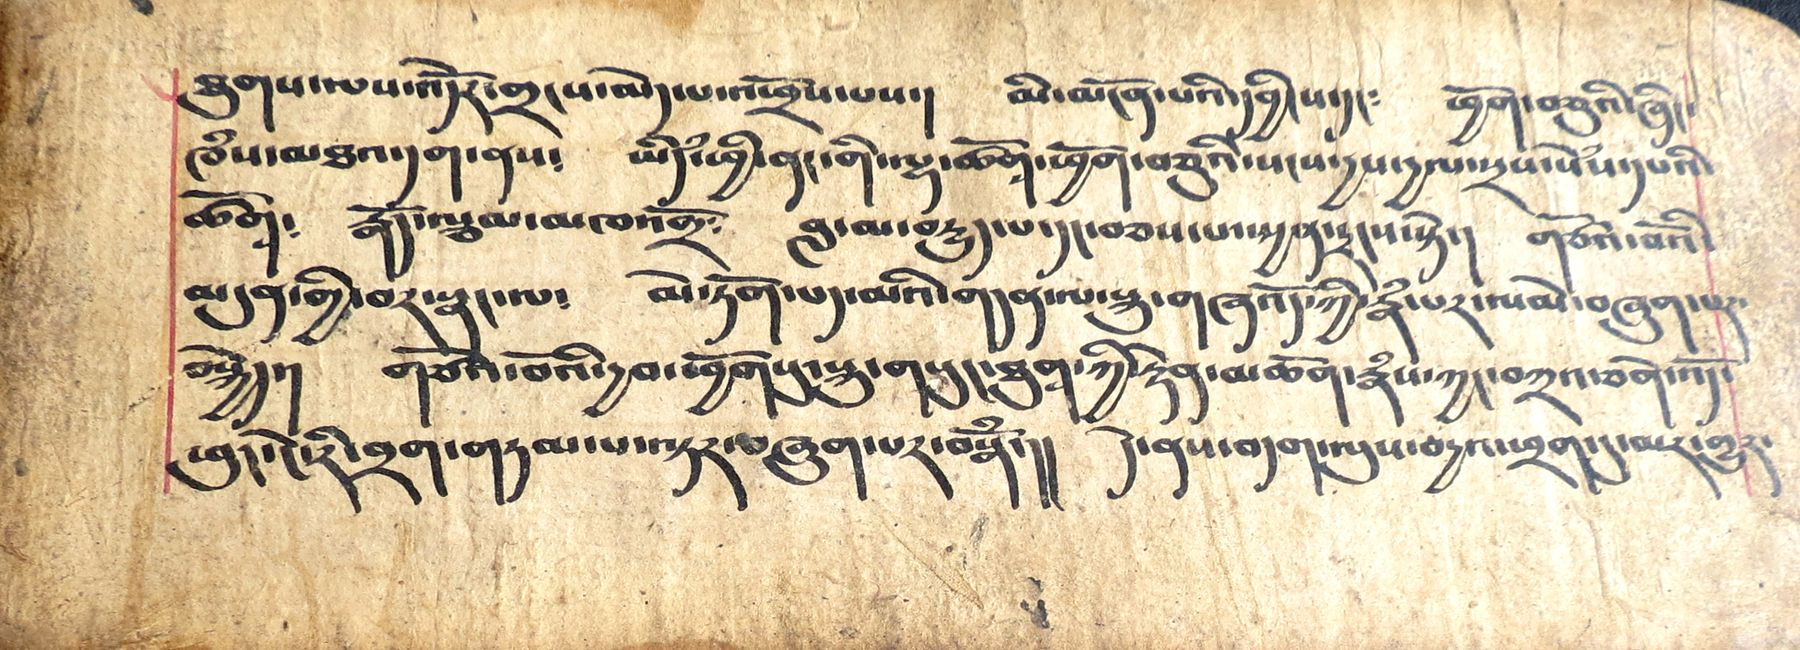ཐུགས་ལས་འོད་ཟེར་གྲངས་མེད་པ་འཕྲོས་པས། མི་མངོན་པའི་དབྱིངས་ནས། ཕྱོགས་བཅུའི་ཞིང་
ཁམས་མཐའ་དག་ནས། ཡི་དམ་ཕྱི་ནང་གི་ལྷ་ཚོགས་ཕྱོགས་བཅུའི་སངས་རྒྱས་དང་རྒྱལ་སྲས་སེམས་དཔའི་
ཚོགས། རྒོད་ལྕམ་མཁའ་འགྲོ། བླ་མ་བརྒྱུད་པ་དང་བཅས་པ་སྤྱན་དྲངས་ཏེ། གཙོ་བོའི་
མདུན་གྱི་བར་སྣང་ལ། མེ་ཏོག་པད་མའི་གནད་ལ་སྐུ་གཞའ་འོད་ཀྱི་རྣམ་པར་བཀྲ་ལམ་མེ་བཞུགས་པར་
བསྐྱེད། གཙོ་བོའི་རྒྱབ་ཕྱོགས་སུ་སྐུ་གསུང་ཐུགས་ཀྱི་རྟེན་མཆོག་རྣམས་ཀྱང་བཀྲ་ཅོག་གེ་འོད་
ཕུང་ངེ་རི་བྲག་གཏམས་པ་ལྟར་བཞུགས་པར་བསྒོམ། དེ་ནས་བདག་ལུས་བརྒྱ་ཕྲག་དུ་མར་གྱུར་